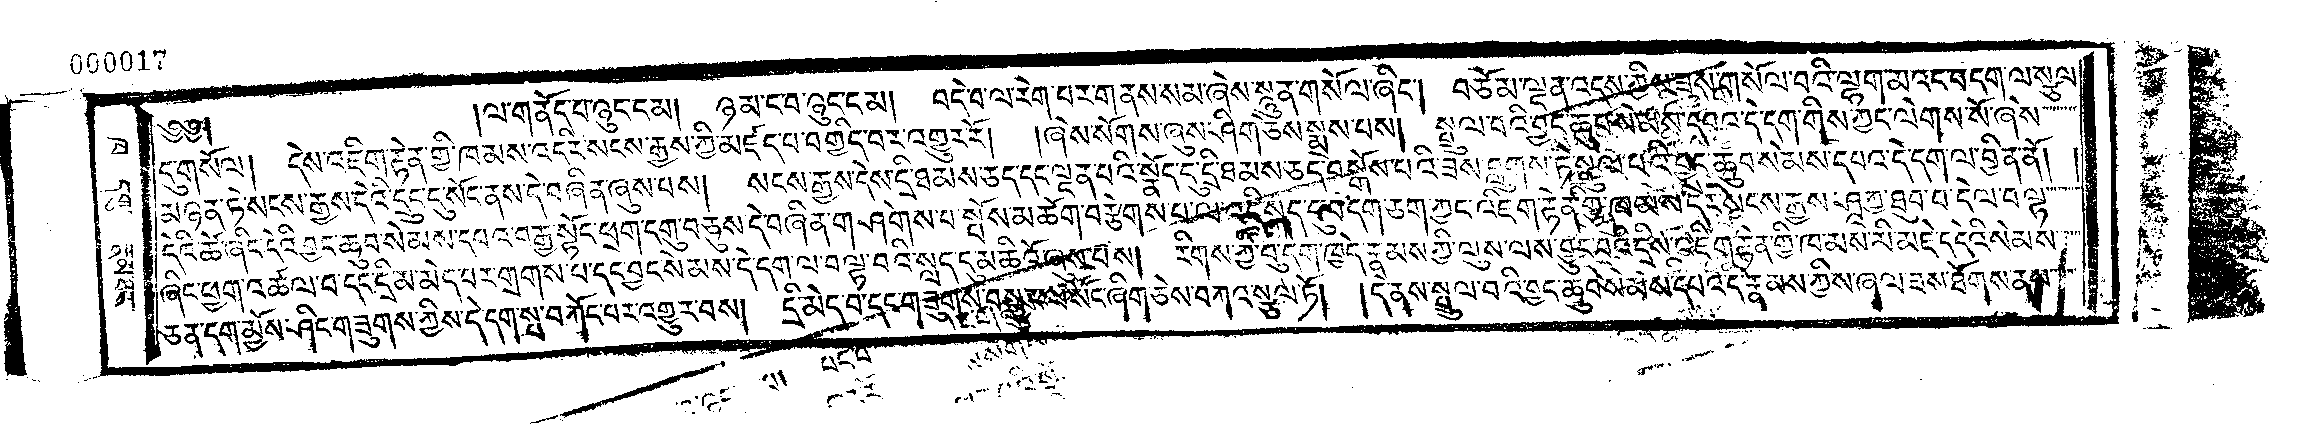༄༅། །ལ་གནོད་པ་ཉུང་ངམ། ཉམ་ང་བ་ཉུང་དམ། བདེ་བ་ལ་རེག་པར་གནས་སམ་ཞེས་སྙུན་གསོལ་ཞིང་། བཅོམ་ལྡན་འདས་ཀྱིས་ཟས་གསོལ་བའི་ལྷག་མའང་བདག་ལ་སྩལ་
དུ་གསོལ། དེས་འཇིག་རྟེན་གྱི་ཁམས་འདིར་སངས་རྒྱས་ཀྱི་མཛད་པ་བགྱིད་པར་འགྱུར་རོ། །ཞེས་སོགས་ཞུས་ཤིག་ཅེས་སྨྲས་པས། སྤྲུལ་པའི་བྱང་ཆུབ་སེམས་དཔའ་དེ་དག་གིས་ཀྱང་ལེགས་སོ་ཞེས་
མཉན་ཏེ་སངས་རྒྱས་དེའི་དྲུང་དུ་སོང་ནས་དེ་བཞིན་ཞུས་པས། སངས་རྒྱས་དེས་དྲི་ཐམས་ཅད་དང་ལྡན་པའི་སྣོད་དུ་དྲི་ཐམས་ཅད་བསྒོས་པའི་ཟས་བླུགས་ཏེ་སྤྲུལ་པའི་བྱང་ཆུབ་སེམས་དཔའ་དེ་དག་ལ་བྱིན་ནོ། །
དེའི་ཚེ་ཞིང་དེའི་བྱང་ཆུབ་སེམས་དཔའ་བརྒྱ་སྟོང་ཕྲག་དགུ་བཅུས་དེ་བཞིན་གཤེགས་པ་སྤོས་མཆོག་བརྩེགས་པ་ལ་འདི་སྐད་དུ་བདག་ཅག་ཀྱང་འཇིག་རྟེན་གྱི་ཁམས་དེར་སངས་རྒྱས་ཤཱཀྱ་ཐུབ་པ་དེ་ལ་བལྟ་
ཞིང་ཕྱག་འཚལ་བ་དང་དྲི་མ་མེད་པར་གྲགས་པ་དང་བྱང་སེམས་དེ་དག་ལ་བལྟ་བའི་སླད་དུ་མཆིའོ་ཞུས་པས། རིགས་ཀྱི་བུ་དག་ཁྱེད་རྣམས་ཀྱི་ལུས་ལས་བྱུང་བའི་དྲིས་འཇིག་རྟེན་གྱི་ཁམས་མི་མཇེད་དེའི་སེམས་
ཅན་དག་མྱོས་ཤིང་གཟུགས་ཀྱིས་དེ་དག་སྤ་བཀོད་བར་འགྱུར་བས། དྲི་མེད་པ་དང་གཟུགས་བསྒྱུར་ལ་སོང་ཞིག་ཅེས་བཀའ་སྩལ་ཏོ། །དེ་ནས་སྤྲུལ་པའི་བྱང་ཆུབ་སེམས་དཔའ་དེ་རྣམས་ཀྱིས་ཞལ་ཟས་ཐོགས་ནས་